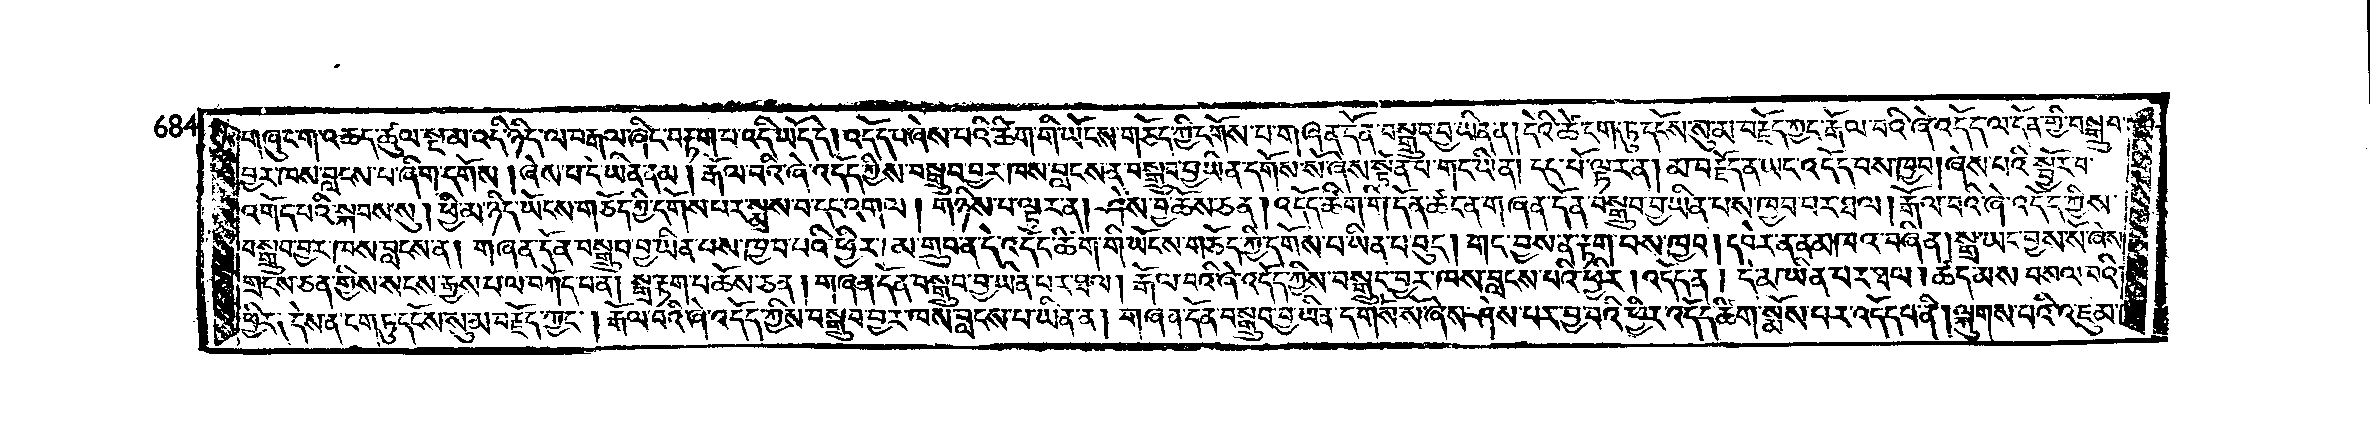གཞུང་གི་འཆད་ཚུལ་སྔ་མ་འདི་ཉིད་ལ་བརྒལ་ཞིང་བརྟག་པ་འདི་ཡོད་དེ། འདོད་པ་ཞེས་པའི་ཚིག་གི་ཡོངས་གཅོད་ཀྱི་དགོས་པ་གཞན་དོན་བསྒྲུབ་བྱ་ཡིན་ན། དེའི་ཚེ་ངག་ཏུ་དངོས་སུམ་མ་བརྗོད་ཀྱང་རྒོལ་བའི་ཞེ་འདོད་ལ་དོན་གྱི་བསྒྲུབ་
བྱར་ཁས་བླངས་པ་ཞིག་དགོས། ཞེས་པ་དེ་ཡིན་ནམ། རྒོལ་བའི་ཞེ་འདོད་ཀྱིས་བསྒྲུབ་བྱར་ཁས་བླངས་ན་བསྒྲུབ་བྱ་ཡིན་དགོས་སོ་ཞེས་སྟོན་པ་གང་ཡིན། དང་པོ་ལྟར་ན། མ་བརྗོད་ན་ཡང་འདོད་པས་ཁྱབ། ཞེས་པའི་སྦྱོར་བ་
འགོད་པའི་སྐབས་སུ། ཕྱི་མ་ཉིད་ཡོངས་གཅོད་ཀྱི་དགོས་པར་སྨྲས་པ་དང་འགལ། གཉིས་པ་ལྟར་ན། ཤེས་བྱ་ཆོས་ཅན། འདོད་ཚིག་གི་དོན་ཚང་ན་གཞན་དོན་བསྒྲུབ་བྱ་ཡིན་པས་ཁྱབ་པར་ཐལ། རྒོལ་བའི་ཞེ་འདོད་ཀྱིས་
བསྒྲུབ་བྱར་ཁས་བླངས་ན། གཞན་དོན་བསྒྲུབ་བྱ་ཡིན་པས་ཁྱབ་པའི་ཕྱིར། མ་གྲུབ་ན་དེ་འདོད་ཚིག་གི་ཡོངས་གཅོད་ཀྱི་དགོས་པ་ཡིན་པ་བུད། གང་བྱས་ན་རྟག་པས་ཁྱབ། དཔེར་ན་ནམ་མཁའ་བཞིན། སྒྲ་ཡང་བྱས་སོ་ཞེས་
གྲངས་ཅན་གྱིས་སངས་རྒྱས་པ་ལ་བཀོད་པ་ན། སྒྲ་རྟག་པ་ཆོས་ཅན། གཞན་དོན་བསྒྲུབ་བྱ་ཡིན་པར་ཐལ། རྒོལ་བའི་ཞེ་འདོད་ཀྱིས་བསྒྲུབ་བྱར་ཁས་བླངས་པའི་ཕྱིར། འདོད་ན། དེ་མ་ཡིན་པར་ཐལ། ཚད་མས་བསལ་བའི་
ཕྱིར། དེས་ན་ངག་ཏུ་དངོས་སུ་མ་བརྗོད་ཀྱང་། རྒོལ་བའི་ཞེ་འདོད་ཀྱིས་བསྒྲུབ་བྱར་ཁས་བླངས་པ་ཡིན་ན། གཞན་དོན་བསྒྲུབ་བྱ་ཡིན་དགོས་སོ་ཞེས་ཤེས་པར་བྱ་བའི་ཕྱིར་འདོད་ཚིག་སྨོས་པར་འདོད་པ་ནི། ལྐུགས་པའི་འཇུ་